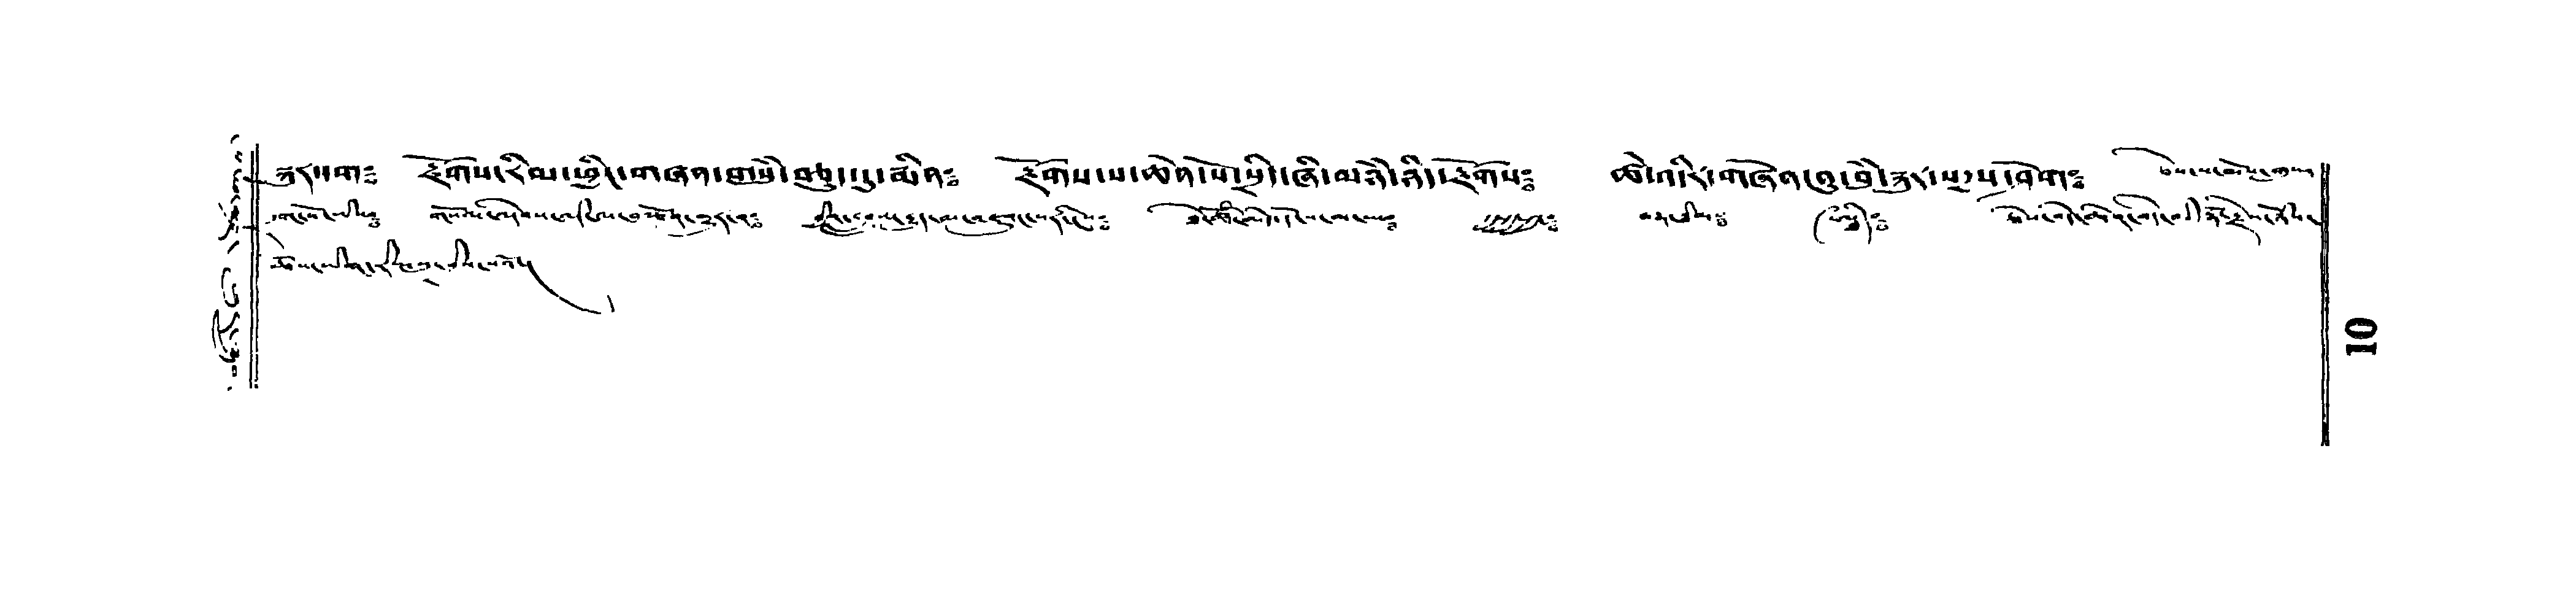སྐུར་དག༔ རྫོགས་རིམ་ཕྱི་ནང་གཞན་གསུམ་བཅུད་དུ་སྨིན༔ རྫོགས་པ་ཆེན་པོ་སྲིད་ཞི་མཉམ་ཉིད་རྫོགས༔ ཚེ་འདིར་གཞོན་ནུ་བུམ་སྐུར་སངས་རྒྱས་ཤོག༔ ཅེས་པ་མོས་གུས་
དྲག་པོ་ཡིས༔ གསོལ་འདེབས་འདི་ལ་བརྩོན་གྱུར་ན༔ བྱིན་རླབས་རྒྱུད་ལ་འཇུག་པར་ངེས༔ ཐེ་ཚོམ་མེད་དོ་ས་མ་ཡཿ རྒྱ་རྒྱ་རྒྱ༔ བརྡ་ཐིམ༔ ཿ ཅེས་བདེ་ཆེན་བདེ་བའི་རྡོ་རྗེས་ཉམས་
ཆོས་ཡིག་རིས་སུ་བྲིས་པའོ།